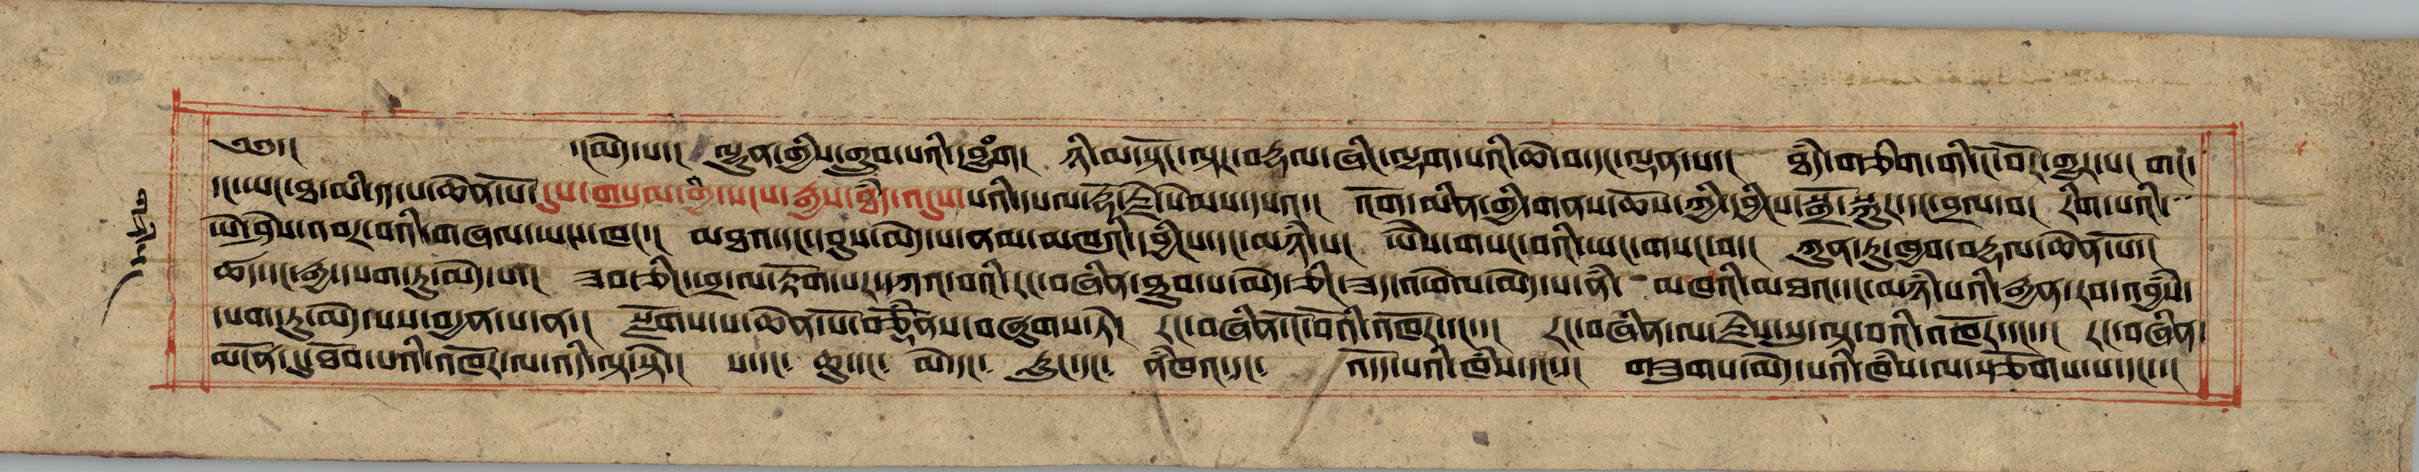༄༅་། ་།མེད་པ་། ལྷུན་གྱིས་གྲུབ་པའི་དབྱུཾག། ཉི་མ་སྟོང་ལྟར་བརྡལ་ཞིང་ལྷག་པའི་ཆེ་བ་དང་ལྡན་པ་། ཐཾད་གཅིག་གི་ངོ་བོར་གྱུར་པ། གང་
དང་ཡང་ཐ་མི་དད་པ་ཆེན་པོ་དུས་གསུམ་གྱི་སངས་རྒྱས་ཐདཾ་འདུས་པའི་དཔལ་རྡོ་རྗེ་སེམས་དཔའ་། འོག་མིན་གྱི་གནས་ཆོས་ཀྱི་དབྱིངས་སྒྲོ་སྐུར་དང་བྲལ་བ་། རིག་པའི་
ཡེ་ཤེས་འབར་བའི་གཞལ་ཡས་ཁང་། མཐའ་དང་དབུས་མེད་པ་ནམ་མཁའི་དབྱིངས་དང་མཉཾ་པ། ཡཻས་གསང་བའི་ཡང་གསང་བ་། ཀུན་ཏུ་ཁྱབ་བརྡལ་ཆེན་པོ་།
ཚད་དང་རྒྱ་དཔག་ཏུ་མེད་པ་། ཟབ་ཅིང་ཕྲ་ལ་རྟོག་པར་དཀའ་བའི་རང་བཞིན་ཐུབ་པ་མེད་ཅིང་ཟད་འཕེལ་མེད་པ་ནི་ མཁའི་མཐའ་དང་མཉཾ་པའི་རྒྱན་རབ་འབྱཾས་
དཔག་ཏུ་མེད་པས་བདྱན་པ་ན་། སྫོགས་པ་ཆེན་པོ་བཅྡོཾནས་བཞུགས་ཏེ། རང་བཞིན་ངོ་བོའི་འཁོར་དང་་། རང་བཞིན་ལ་རྗེས་སུ་ལྟ་བའི་འཁོར་དང་་། རང་བཞིན་
མངོན་དུ་ཐོབ་པའི་འཁོར་ལ་འདི་ལྟ་སྟེ་། ས་དང༴ ཆུ་དང༴ མེ་དང༴ རླུང་དང༴ ནཾཁའ་དང༴ འདོད་པའི་ཁཾས་དང་་། གཟུགས་མེད་པའི་ཁཾས་ལ་སྩོགས་པ་དང་་།